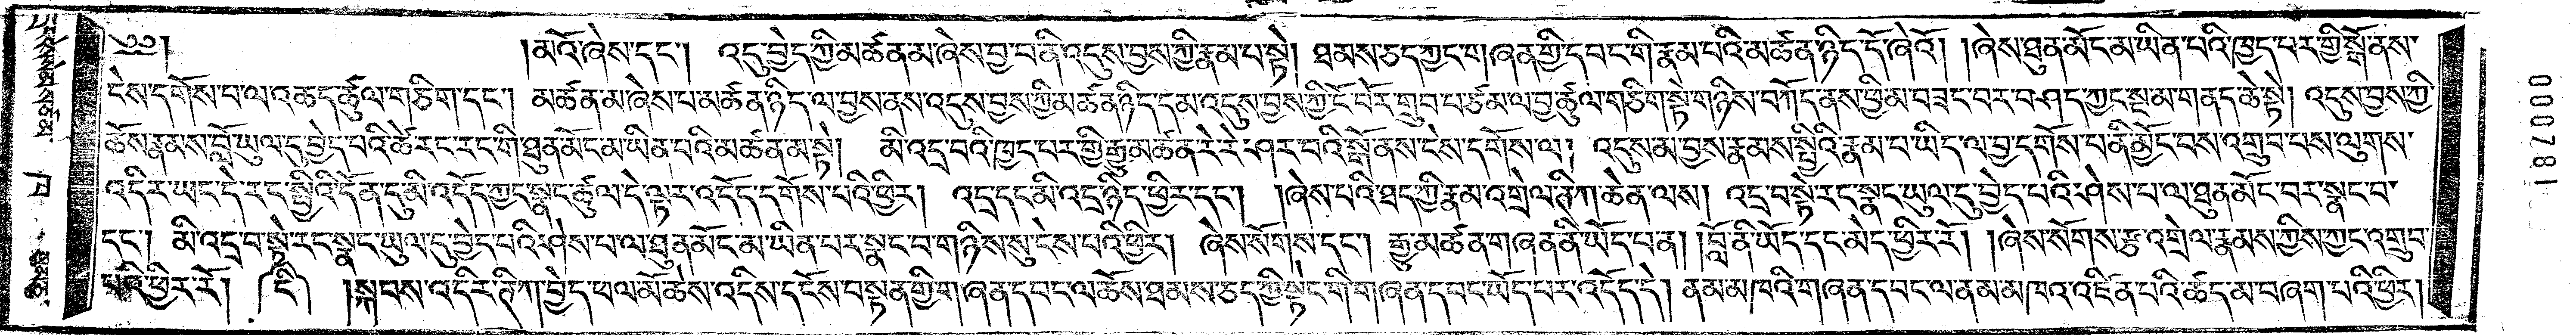༄༅། །མའོ་ཞེས་དང་། འདུ་བྱེད་ཀྱི་མཚན་མ་ཞེས་བྱ་བ་ནི་འདུས་བྱས་ཀྱི་རྣམ་པ་སྟེ། ཐམས་ཅད་ཀྱང་གཞན་གྱི་དབང་གི་རྣམ་པའི་མཚན་ཉིད་དོ་ཞེའོ། །ཞེས་ཐུན་མོང་མ་ཡིན་པའི་ཁྱད་པར་གྱི་སྒོ་ནས་
ངེས་དགོས་པ་ལ་འཆད་ཚུལ་གཅིག་དང་། མཚན་མ་ཞེས་པ་མཚན་ཉིད་ལ་བྱས་ནས་འདུས་བྱས་ཀྱི་མཚན་ཉིད་དམ་འདུས་བྱས་ཀྱི་ངོ་བོར་གྲུབ་པ་ཙམ་ལ་བྱ་ཚུལ་གཅིག་སྟེ་གཉིས་བཀོད་ནས་ཕྱི་མ་བཟང་བར་བཤད་ཀྱང་སྔ་མ་གནད་ཆེ་སྟེ། འདུས་བྱས་ཀྱི་
ཆོས་རྣམས་བློ་ཡུལ་དུ་བྱེད་པའི་ཚེ་རང་རང་གི་ཐུན་མོང་མ་ཡིན་པའི་མཚན་མ་སྟེ། མི་འདྲ་བའི་ཁྱད་པར་གྱི་རྒྱུ་མཚན་རེ་རེ་ཤར་བའི་སྒོ་ནས་ངེས་དགོས་ལ། འདུས་མ་བྱས་རྣམས་སྤྱིའི་རྣམ་པ་ཡིད་ལ་བྱ་དགོས་པ་ནི་མྱོང་བས་འགྲུབ་པས་ལུགས་
འདིར་ཡང་དེ་རང་སྤྱིའི་དོན་དུ་མི་འདོད་ཀྱང་སྣང་ཚུལ་དེ་ལྟར་འདོད་དགོས་པའི་ཕྱིར། འདྲ་དང་མི་འདྲ་ཉིད་ཕྱིར་དང་། །ཞེས་པའི་ཐད་ཀྱི་རྣམ་འགྲེལ་ཊིཀ་ཆེན་ལས། འདྲ་བ་སྟེ་རང་སྣང་ཡུལ་དུ་བྱེད་པའི་ཤེས་པ་ལ་ཐུན་མོང་བར་སྣང་བ་
དང་། མི་འདྲ་བ་སྟེ་རང་སྣང་ཡུལ་དུ་བྱེད་པའི་ཤེས་པ་ལ་ཐུན་མོང་མ་ཡིན་པར་སྣང་བ་གཉིས་སུ་ངེས་པའི་ཕྱིར། ཞེས་སོགས་དང་། རྒྱུ་མཚན་གཞན་ནི་ཡོད་པ་ན། །བློ་ནི་ཡོད་དང་མེད་ཕྱིར་རོ། །ཞེས་སོགས་རྩ་འགྲེལ་རྣམས་ཀྱིས་ཀྱང་འགྲུབ་
པའི་ཕྱིར་རོ། ༼ངི༽ །སྐབས་འདིར་ཊིཀ་བྱེད་ཕལ་མོ་ཆེས་འདིས་དངོས་བསྟན་གྱི་གཞན་དབང་ལ་ཆོས་ཐམས་ཅད་ཀྱི་སྟེང་གི་གཞན་དབང་ཡོད་པར་འདོད་དེ། ནམ་མཁའི་གཞན་དབང་ལ་ནམ་མཁའ་འཛིན་པའི་ཚད་མ་བཞག་པའི་ཕྱིར།